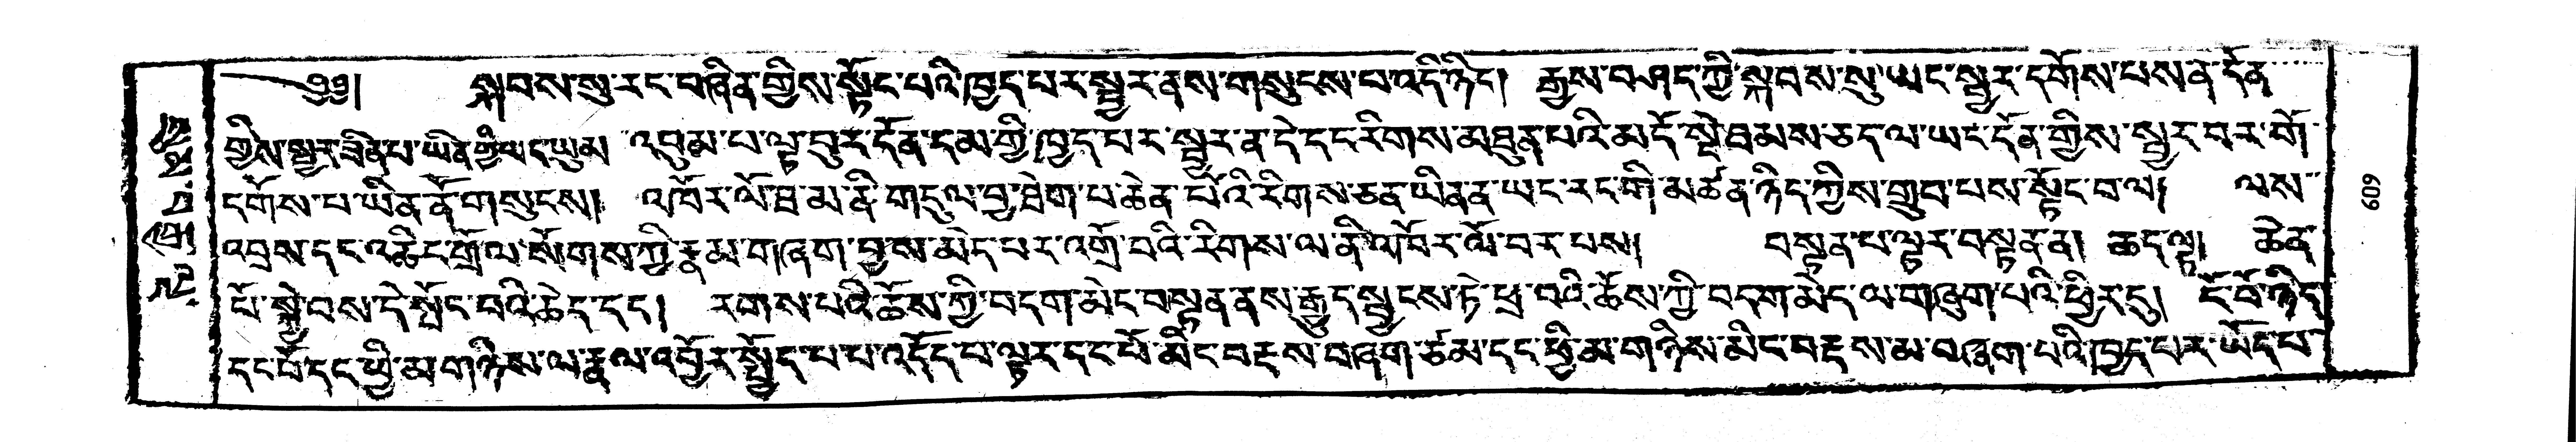༄༅། །སྐབས་སུ་རང་བཞིན་གྱིས་སྟོང་པའི་ཁྱད་པར་སྦྱར་ནས་གསུངས་པ་འདི་ཉིད། རྒྱས་བཤད་ཀྱི་སྐབས་སུ་ཡང་སྦྱར་དགོས་པས་ན་དོན་
གྱིས་སྦྱར་ཟིན་པ་ཡིན་གྱི་ཡང་ཡུམ་འབུམ་པ་ལྟ་བུར་དོན་དམ་གྱི་ཁྱད་པར་སྦྱར་ན་དེ་དང་རིགས་མཐུན་པའི་མདོ་སྡེ་ཐམས་ཅད་ལ་ཡང་དོན་གྱིས་སྦྱར་བར་གོ་
དགོས་པ་ཡིན་ནོ་གསུངས། འཁོར་ལོ་ཐ་མ་ནི་གདུལ་བྱ་ཐེག་པ་ཆེན་པོའི་རིགས་ཅན་ཡིན་ན་ཡང་རང་གི་མཚན་ཉིད་ཀྱིས་གྲུབ་པས་སྟོང་བ་ལ། ལས་
འབྲས་དང་འཆིང་གྲོལ་སོགས་ཀྱི་རྣམ་གཞག་བྱས་མེད་པར་འགྲོ་བའི་རིགས་ལ་ནི་འཁོར་ལོ་བར་པས། བསྟན་པ་ལྟར་བསྟན་ན། ཆད་ལྟ། ཆེན་
པོ་སྐྱེ་བས་དེ་སྤོང་བའི་ཆེད་དང་། རགས་པའི་ཆོས་ཀྱི་བདག་མེད་བསྟན་ནས་རྒྱུད་སྦྱངས་ཏེ་ཕྲ་བའི་ཆོས་ཀྱི་བདག་མེད་ལ་གཞུག་པའི་ཕྱིར་དུ། ངོ་བོ་ཉིད་
དང་པོ་དང་ཕྱི་མ་གཉིས་ལ་རྣལ་འབྱོར་སྤྱོད་པ་པ་འདོད་པ་ལྟར་དང་པོ་མིང་བརྡས་བཞག་ཙམ་དང་ཕྱི་མ་གཉིས་མིང་བརྡས་མ་བཞག་པའི་ཁྱད་པར་ཡོད་པ་